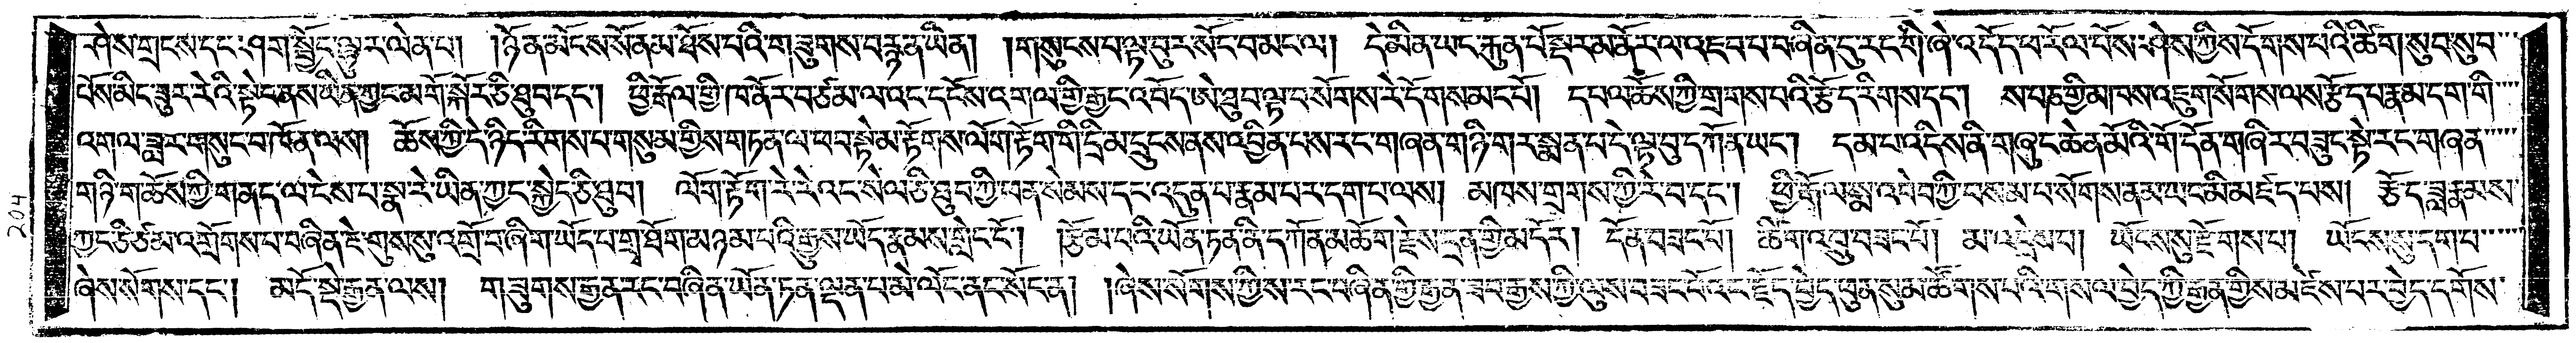ཤེས་གྲངས་དང་ཤག་སྦྱོང་ལྷུར་ལེན་པ། །ཉོན་མོངས་སོ་ནམ་ཐོས་པའི་གཟུགས་བརྙན་ཡིན། །གསུངས་པ་ལྟ་བུར་སོང་བ་མང་ལ། དེ་མིན་ཡང་རྐུན་བོ་སྔར་མནོར་ལ་འཇབ་བ་བཞིན་དུ་རང་གི་ཞེ་འདོད་ཕ་རོལ་པོས་ཤེས་ཀྱིས་དོགས་པའི་ཚིག་སུབ་སུབ་
པོས་མིང་ཟུར་རེའི་སྟེང་ནས་ཡིན་ཀྱང་མགོ་སྐོར་ཅི་ཐུབ་དང་། ཕྱི་རོལ་གྱི་ཁ་ནོར་བ་ཙམ་ལའང་དངོས་འགལ་གྱི་རྒྱང་འབོད་ཨེ་ཐུབ་ལྟ་བ་སོགས་རེ་དོགས་མང་བོ། དཔལ་ཆོས་ཀྱི་གྲགས་པའི་རྩོད་རིགས་དང་། ས་པཎ་གྱི་མཁས་འཇུག་སོགས་ལས་རྩོད་པ་རྣམ་དག་གི་
འགལ་བ་ཟླར་གསུང་བ་ཁོ་ན་ལས། ཆོས་ཀྱི་དེ་ཉིད་རིགས་པ་གསུམ་གྱིས་གཏན་ལ་ཕབ་སྟེ་མ་རྟོགས་ལོག་རྟོག་གི་དྲི་མ་དྲུངས་ནས་འབྱིན་པས་རང་གཞན་གཉི་གར་སྨན་པ་དེ་ལྟ་བུ་དཀོན་ཡང་། དམ་པ་འདིས་ནི་གཞུང་ཆེན་མོའི་གོ་དོན་གཞིར་བཟུང་སྟེ་རང་གཞན་
གཉི་ག་ཆོས་ཀྱི་གནད་ལ་ངེས་པ་སྣ་རེ་ཡིན་ཀྱང་སྐྱེད་ཅི་ཐུབ། ལོག་རྟོག་རེ་རེའང་སེལ་ཅི་ཐུབ་ཀྱི་ཕན་སེམས་དང་འདུན་པ་རྣམ་པར་དག་པ་ལས། མཁས་གྲགས་ཀྱི་རེ་བ་དང་། ཕྱི་རྒོལ་སྨ་འབབ་ཀྱི་བསམ་པ་སོགས་ནམ་ཡང་མི་མཛད་པས། རྩོད་ཟླ་རྣམས་
ཀྱང་ཅི་ཙམ་འགྲོགས་པ་བཞིན་རྗེ་གུས་སུ་འགྲོ་བ་ཞིག་ཡོད་པ་གྲྭ་ཐོག་མཉམ་པའི་རྒྱུས་ཡོད་རྣམས་གླེང་ངོ། །རྩོམ་པའི་ཡོན་ཏན་ནི་དཀོན་མཆོག་རྗེས་དྲན་གྱི་མདོར། དོན་བཟང་པོ། ཚིག་འབྲུ་བཟང་བོ། མ་འདྲེས་པ། ཡོངས་སུ་རྫོགས་པ། ཡོངས་སུ་དག་པ་
ཞེས་སོགས་དང་། མདོ་སྡེ་རྒྱན་ལས། གཟུགས་རྒྱན་རང་བཞིན་ཡོན་ཏན་ལྡན་པ་མེ་ལོང་ནང་སོང་ན། །ཞེས་སོགས་ཀྱིས་རང་བཞིན་གྱི་རྒྱན་ཟབ་རྒྱས་ཀྱི་ལུས་བཟང་པོའང་རྗོད་བྱེད་ཕུན་སུམ་ཚོགས་པའི་གསལ་བྱེད་ཀྱི་རྒྱན་གྱིས་མཛེས་བར་བྱེད་དགོས་